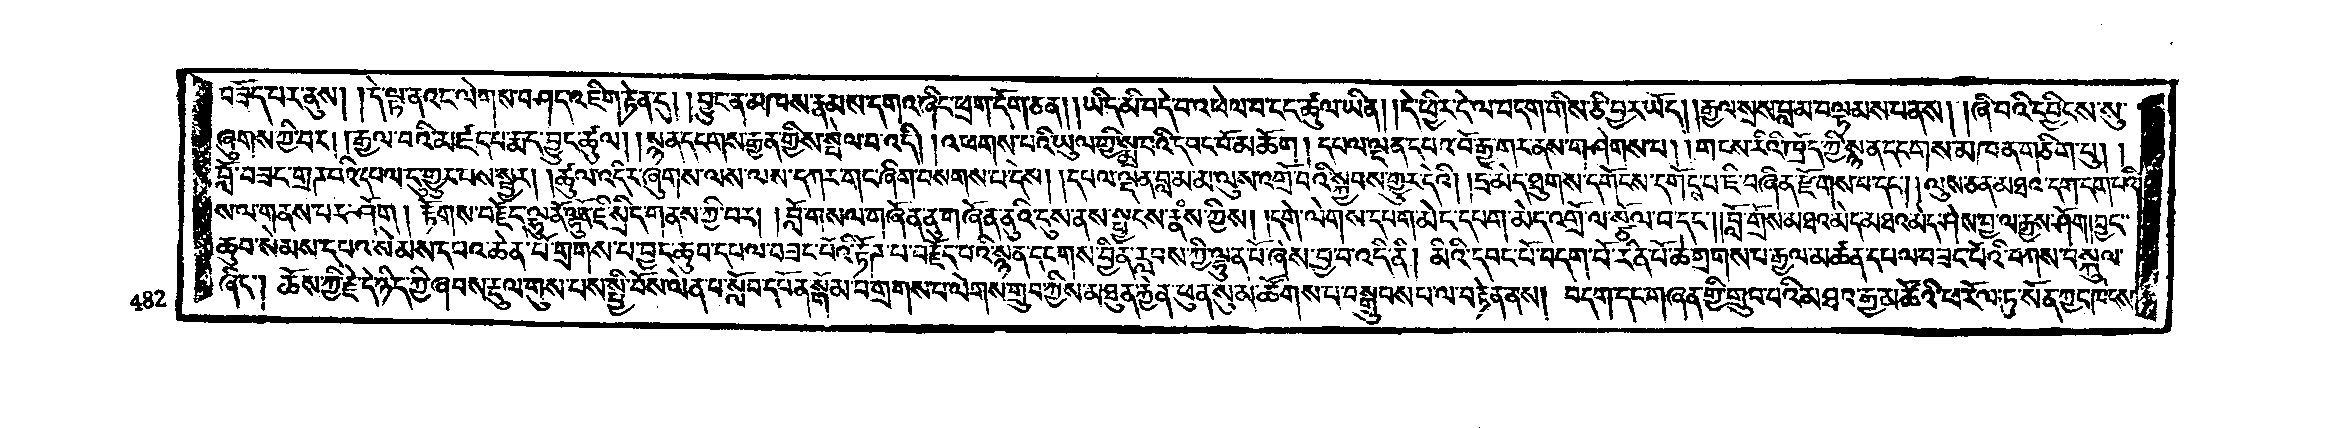བཟོད་པར་ནུས། །དེ་ལྟ་ནའང་ལེགས་བཤད་འཇིག་རྟེན་དུ། །བྱུང་ན་མཁས་རྣམས་དགའ་ཞིང་ཕྲག་དོག་ཅན། །ཡིད་མི་བདེ་བ་འཕེལ་བ་ངང་ཚུལ་ཡིན། །དེ་ཕྱིར་དེ་ལ་བདག་གིས་ཅི་བྱར་ཡོད། །རྒྱལ་སྲས་བླ་མ་བལྟམས་པ་ནས། །ཞི་བའི་དབྱིངས་སུ་
ཞུགས་ཀྱི་བར། །རྒྱལ་བའི་མཛད་པ་རྨད་བྱུང་ཚུལ། །སྙན་དངགས་རྒྱན་གྱིས་སྤེལ་བ་འདི། །འཕགས་པའི་ཡུལ་གྱི་སྨྲ་བའི་དབང་པོ་མཆོག །དཔལ་ལྡན་དཔའ་བོ་རྒྱ་གར་ནས་གཤེགས་པ། །གངས་རིའི་ཁྲོད་ཀྱི་སྙན་དངགས་མཁན་གཅིག་པུ། །
བློ་བཟང་གྲགས་པའི་དཔལ་དུ་གྱུར་པས་སྦྱར། །ཚུལ་འདིར་ཞུགས་ལས་ལས་དཀར་གང་ཞིག་བསགས་པ་དེས?། །དཔལ་ལྡན་བླ་མ་མ་ལུས་འགྲོ་བའི་སྐྱབས་གྱུར་དེའི། །དྲི་མེད་ཐུགས་དགོངས་དགོངས་པ་ཇི་བཞིན་རྫོགས་པ་དང་། །ལུས་ཅན་མཐའ་དག་དག་པའི་
ས་ལ་གནས་པར་ཤོག །རྟོགས་བརྗོད་ལྷུན་ནོ་ལྷུན?་ནོ་ཇི་སྲིད་གནས་ཀྱི་བར། །བློ་གསལ་གཞོན་ནུ་གཞོན་ནུའི་དུས་ནས་སྦྱངས་རྣམས་ཀྱིས། །དགེ་ལེགས་དཔག་མེད་དཔག་མེད་འགྲོ་ལ་སྩོལ་བ་དང་། །བློ་གྲོས་མཐའ་མེད་མཐའ་མེད་ཤེས་བྱ་ལ་རྒྱས་ཤོག །བྱང་
ཆུབ་སེམས་དཔའ་སེམས་དཔའ་ཆེན་པོ་གྲགས་པ་བྱང་ཆུབ་དཔལ་བཟང་པོའི་རྟོགས་པ་བརྗོད་པའི་སྙན་དངགས་བྱིན་རླབས་ཀྱི་ལྷུན་པོ་ཞེས་བྱ་བ་འདི་ནི། མིའི་དབང་པོ་བདག་པོ་རིན་པོ་ཆེ་གྲགས་པ་རྒྱལ་མཚན་དཔལ་བཟང་པོའི་བཀས་བསྐུལ་
ཞིང་། ཆོས་ཀྱི་རྗེ་དེ་ཉིད་ཀྱི་ཞབས་རྡུལ་གུས་པས་སྤྱི་བོས་ལེན་པ་སློབ་དཔོན་སྒོམ་པ་གྲགས་པ་ལེགས་གྲུབ་ཀྱིས་མཐུན་རྐྱེན་ཕུན་སུམ་ཚོགས་པ་བསྒྲུབས་པ་ལ་བརྟེན་ནས། བདག་དང་གཞན་གྱི་གྲུབ་པའི་མཐའ་རྒྱ་མཚོའི་ཕ་རོལ་ཏུ་སོན་ཀྱང་ཁེངས་